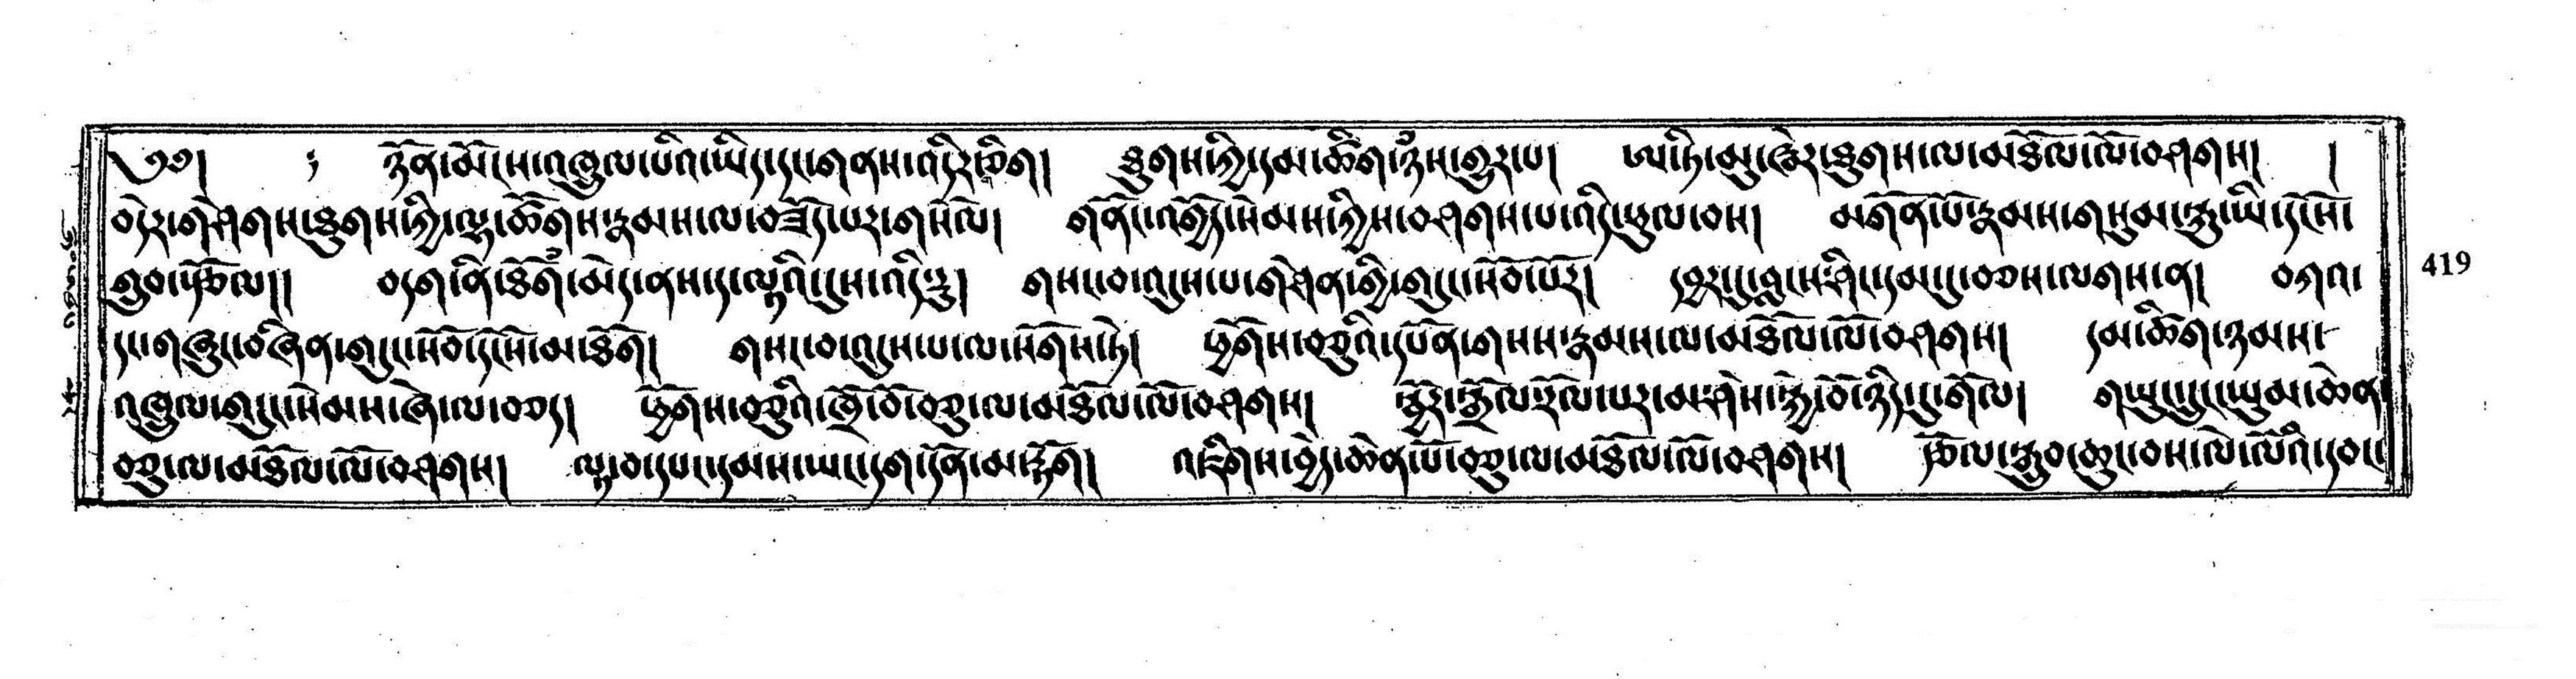ཉོན་མོངས་འཁྲུལ་པའི་ཡིད་དང་གནས་འདིར་གཅིག །ཐུགས་ཀྱི་དམ་ཚིག་ཉམས་གྱུར་པ། ཨ་ཏི་མུ་ཝེར་ཐུགས་ལ་མཐོལ་ལོ་བཤགས། {429}
བདེར་གཤེགས་ཐུགས་ཀྱི་ལྷ་ཚོགས་རྣམས་ལ་བཟོད་པར་གསོལ། གནོང་འགྱོད་སེམས་ཀྱིས་བཤགས་པ་འདི་ཕུལ་བས། མགོན་པོ་རྣམ་གསུམ་སྐུ་ཡི་དངོས་
གྲུབ་སྩོལ།། བདག་ནི་ཐོག་མ་མེད་ནས་ད་ལྟའི་དུས་འདི་རུ།། གསང་བ་འདུས་པ་གཤེན་གྱི་གདུང་སོབ་པོར། དབྱར་དུ་བླངས་ཤིང་དམ་དུ་བཅས་ལགས་ན། བཀའ་
དང་གཞུང་བཞིན་གདུང་སོབ་དངོས་༼རྔོ་༽མ་ཐོག །གསང་བ་འདུས་པ་ལ་སོགས་ཏེ། ཕྱོགས་བཅུའི་དཔོན་གསས་རྣམས་ལ་མཐོལ་ལོ་བཤགས། དམ་ཚིག་ཉམས་
འཁྲུལ་གདུང་སེམས་ཞེ་ལ་བཅད། ཕྱོགས་བཅུའི་ཁྲོ་བོ་བཅུ་ལ་མཐོལ་ལོ་བཤགས། སྦྱོར་སྒྲོལ་རོལ་པར་མ་ཤེས་སྐྱེ་བོ་ཉིད་དུ་གོལ། གཡུང་དྲུང་ཡུམ་ཆེན་
བཅུ་ལ་མཐོལ་ལོ་བཤགས། ལྟ་བ་དཔང་དམས་ཡང་དག་དོན་མ་རྟོགས། འཇིགས་བྱེད་ཆེན་པོ་བཅུ་ལ་མཐོལ་ལོ་བཤགས། རྩོལ་སྒྲུབ་ཆུང་བས་ལེ་ལོའི་དབང་